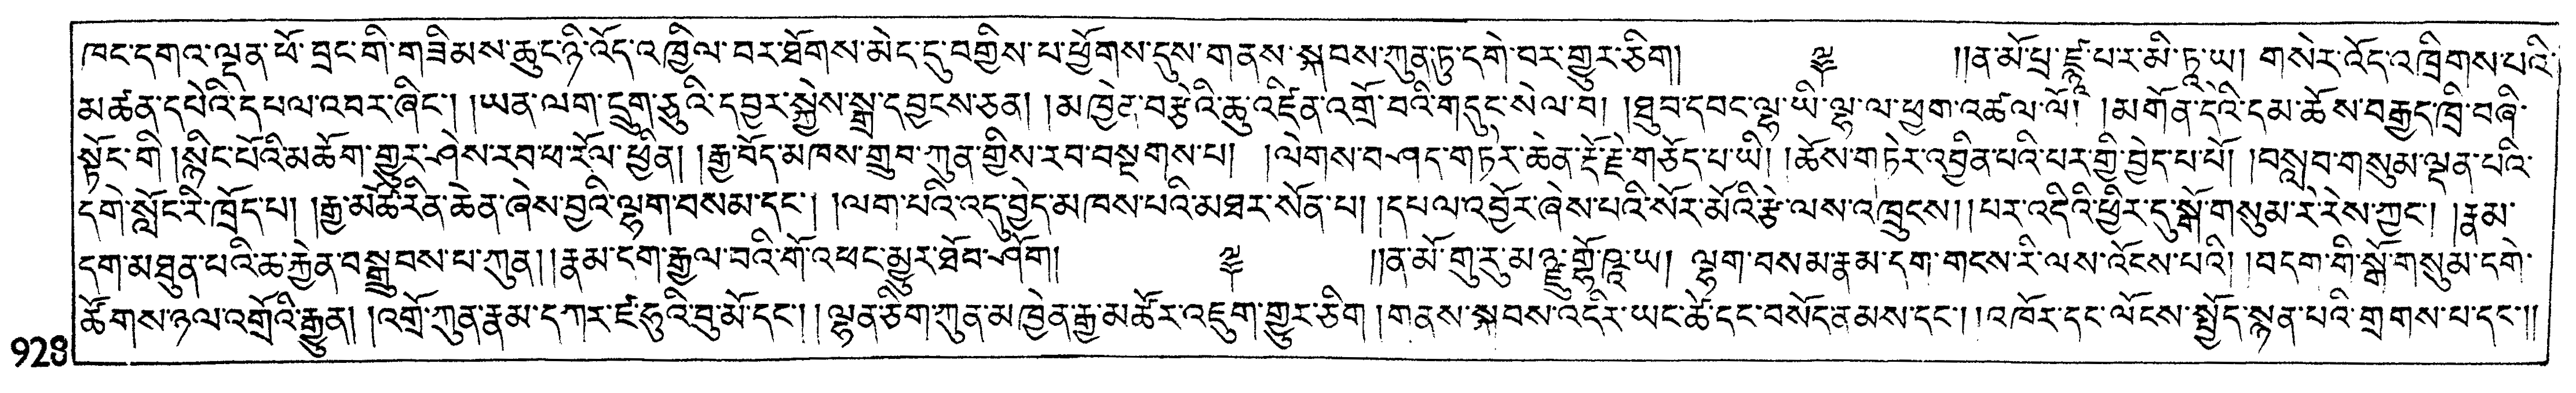ཁང་དགའ་ལྡན་ཕོ་བྲང་གི་གཟིམས་ཆུང་ཉི་འོད་འཁྱིལ་བར་ཐོགས་མེད་དུ་བགྱིས་པ་ཕྱོགས་དུས་གནས་སྐབས་ཀུན་ཏུ་དགེ་བར་གྱུར་ཅིག ། ༈ །།ན་མོ་པྲ་ཛྙཱ་པ་ར་མི་ཏཱ་ཡ། གསེར་འོད་འཁྲིགས་པའི་
མཚན་དཔེའི་དཔལ་འབར་ཞིང་། །ཡན་ལག་དྲུག་ཅུའི་དབྱར་སྐྱེས་སྒྲ་དབྱངས་ཅན། །མཁྱེན་བརྩེའི་ཆུ་འཛིན་འགྲོ་བའི་གདུང་སེལ་བ། །ཐུབ་དབང་ལྷ་ཡི་ལྷ་ལ་ཕྱག་འཚལ་ལོ། །མགོན་དེའི་དམ་ཆོས་བརྒྱད་ཁྲི་བཞི་
སྟོང་གི །སྙིང་པོའི་མཆོག་གྱུར་ཤེས་རབ་ཕ་རོལ་ཕྱིན། །རྒྱ་བོད་མཁས་གྲུབ་ཀུན་གྱིས་རབ་བསྔགས་པ། །ལེགས་བཤད་གཏེར་ཆེན་རྡོ་རྗེ་གཅོད་པ་ཡི། །ཆོས་གཏེར་འབྱིན་པའི་པར་གྱི་བྱེད་པ་པོ། །བསླབ་གསུམ་ལྡན་པའི་
དགེ་སློང་རི་ཁྲོད་པ། །རྒྱ་མཚོ་རིན་ཆེན་ཞེས་བྱའི་ལྷག་བསམ་དང་། །ལག་པའི་འདུ་བྱེད་མཁས་པའི་མཐར་སོན་པ། །དཔལ་འབྱོར་ཞེས་པའི་སོར་མོའི་རྩེ་ལས་འཁྲུངས། །པར་འདིའི་ཕྱིར་དུ་སྒོ་གསུམ་རེ་རེས་ཀྱང་། །རྣམ་
དག་མཐུན་པའི་ཆ་རྐྱེན་བསྒྲུབས་པ་ཀུན། །རྣམ་དག་རྒྱལ་བའི་གོ་འཕང་མྱུར་ཐོབ་ཤོག ། ༈ །།ན་མོ་གུ་རུ་མཉྫུ་གྷོ་ཥཱ་ཡ། ལྷག་བསམ་རྣམ་དག་གངས་རི་ལས་འོངས་པའི། །བདག་གི་སྒོ་གསུམ་དགེ་
ཚོགས་ཉལ་འགྲོའི་རྒྱུན། །འགྲོ་ཀུན་རྣམ་དཀར་ཛ་ཧུའི་བུ་མོ་དང་། །ལྷན་ཅིག་ཀུན་མཁྱེན་རྒྱ་མཚོར་འཇུག་གྱུར་ཅིག །གནས་སྐབས་འདིར་ཡང་ཚེ་དང་བསོད་ནམས་དང་། །འཁོར་དང་ལོངས་སྤྱོད་སྙན་པའི་གྲགས་པ་དང་། །